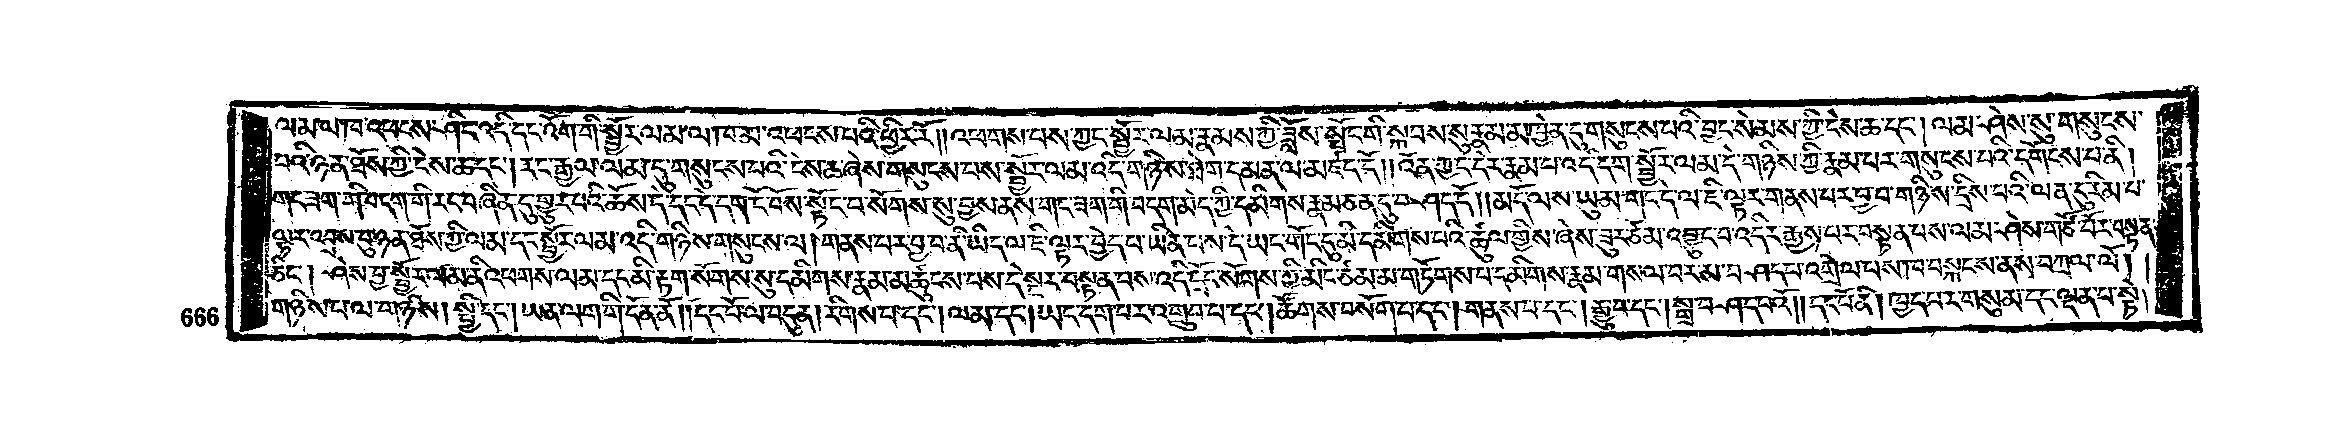ལམ་ལ་ཁ་འཕངས་ཤིང་འདི་དང་འོག་གི་སྦྱོར་ལམ་ལ་ཁ་མ་འཕངས་པའི་ཕྱིར་རོ། །འཕགས་པས་ཀྱང་སྦྱོར་ལམ་རྣམས་ཀྱི་ཟློས་སྤོང་གི་སྐབས་སུ་རྣམ་མཁྱེན་དུ་གསུངས་པའི་བྱང་སེམས་ཀྱི་ངེས་ཆ་དང་། ལམ་ཤེས་སུ་གསུངས་
པའི་ཉན་ཐོས་ཀྱི་ངེས་ཆ་དང་། རང་རྒྱལ་ལམ་དུ་གསུངས་པའི་ངེས་ཆ་ཞེས་གསུངས་པས་སྦྱོར་ལམ་འདི་གཉིས་ཐེག་དམན་ལ་མཛད་དོ། །འོན་ཀྱང་དེར་རྣམ་པ་འདི་དག་སྦྱོར་ལམ་དེ་གཉིས་ཀྱི་རྣམ་པར་གསུངས་པའི་དགོངས་པ་ནི།
གང་ཟག་གི་བདག་གི་རང་བཞིན་དུ་གྱུར་པའི་ཆོས་དེ་དང་དེ་དག་ངོ་བོས་སྟོང་པ་སོགས་སུ་བྱས་ནས་གང་ཟག་གི་བདག་མེད་ཀྱི་དམིགས་རྣམ་ཅན་དུ་བཤད་དོ། །མདོ་ལས་ཡུམ་གང་དེ་ལ་ཇི་ལྟར་གནས་པར་བྱ་བ་གཉིས་དྲིས་པའི་ལན་དུ་རིམ་པ་
ལྟར་འབྲས་བུ་ཉན་ཐོས་ཀྱི་ལམ་དང་སྦྱོར་ལམ་འདི་གཉིས་གསུངས་ལ། གནས་པར་བྱ་བ་ནི་ཡིད་ལ་ཇི་ལྟར་བྱེད་པ་ཡིན་པས་དེ་ཡང་གོང་དུ་མི་དམིགས་པའི་ཚུལ་གྱིས་ཞེས་ཟུར་ཙམ་འབྱུང་བ་འདིར་རྒྱས་པར་བསྟན་པས་ལམ་ཤེས་གཙོ་བོར་བསྟན་
ཅིང་། ཤེས་བྱ་སྦྱོར་ལམ་ནི་འཕགས་ལམ་དང་མི་རྟག་སོགས་སུ་དམིགས་རྣམ་མཚུངས་པས་དེ་སྔར་བསྟན་པས་འདི་དྲོད་སོགས་ཀྱི་མིང་ཙམ་མ་གཏོགས་པ་དམིགས་རྣམ་གསལ་བར་མ་བཤད་པ་འགྲེལ་པས་ཁ་བསྐངས་ནས་བཀྲལ་ལོ། །
གཉིས་པ་ལ་གཉིས། སྤྱི་དང་། ཡན་ལག་གི་དོན་ནོ། །དང་པོ་ལ་བདུན། རིགས་པ་དང་། ལམ་དང་། ཡང་དག་པར་འགྲུབ་པ་དང་། ཚོགས་བསོག་པ་དང་། གནས་པ་དང་། རྒྱུ་བ་དང་། སྒྲ་བཤད་པའོ། །དང་པོ་ནི། ཁྱད་པར་གསུམ་དང་ལྡན་པ་སྟེ།